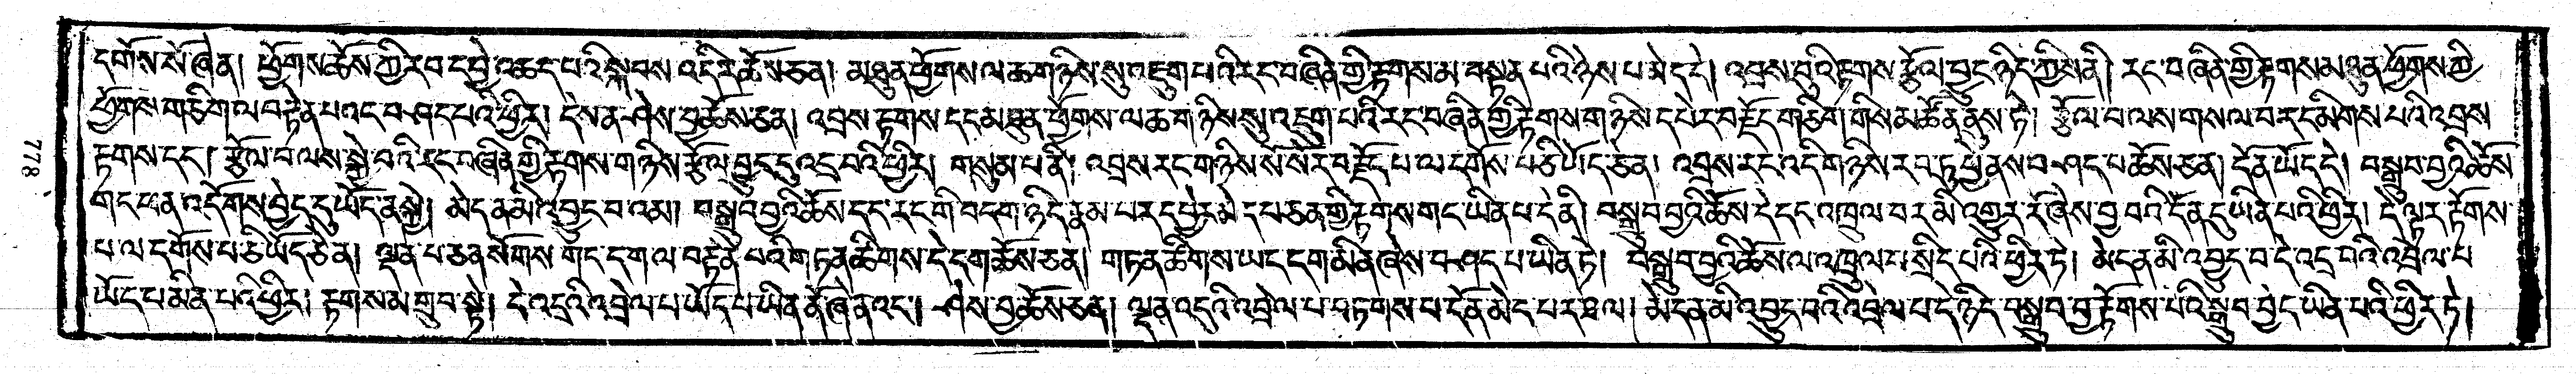དགོས་སོ་ཞེ་ན། ཕྱོགས་ཆོས་ཀྱི་རབ་དབྱེ་འཆད་པའི་སྐབས་འདིར་ཆོས་ཅན། མཐུན་ཕྱོགས་ལ་ཆ་གཉིས་སུ་འཇུག་པའི་རང་བཞིན་གྱི་རྟགས་མ་བསྟན་པའི་ཉེས་པ་མེད་དེ། འབྲས་བུའི་རྟགས་རྩོལ་བྱུང་ཉིད་ཀྱིས་ནི། རང་བཞིན་གྱི་རྟགས་མཐུན་ཕྱོགས་ཀྱི་
ཕྱོགས་གཅིག་ལ་བརྟེན་པའང་བཤད་པའི་ཕྱིར། དེས་ན་ཤེས་བྱ་ཆོས་ཅན། འབྲས་རྟགས་དང་མཐུན་ཕྱོགས་ལ་ཆ་གཉིས་སུ་འཇུག་པའི་རང་བཞིན་གྱི་རྟགས་གཉིས་དཔེར་བརྗོད་གཅིག་གིས་མཚོན་ནུས་ཏེ། རྩོལ་བ་ལས་གསལ་བར་དམིགས་པའི་འབྲས་
རྟགས་དང་། རྩོལ་བ་ལས་སྐྱེ་བའི་རང་བཞིན་གྱི་རྟགས་གཉིས་རྩོལ་བྱུང་དུ་འདྲ་བའི་ཕྱིར། གསུམ་པ་ནི། འབྲས་རང་གཉིས་སོ་སོར་བརྗོད་པ་ལ་དགོས་པ་ཅི་ཡོད་ཅེ་ན། འབྲས་རང་འདི་གཉིས་རབ་ཏུ་ཕྱེ་ནས་བཤད་པ་ཆོས་ཅན། དོན་ཡོད་དེ། བསྒྲུབ་བྱའི་ཆོས་
གང་ཕན་འདོགས་བྱེད་དུ་ཡོད་ན་སྐྱེ། མེད་ན་མི་འབྱུང་བའམ། བསྒྲུབ་བྱའི་ཆོས་དང་རང་གི་བདག་ཉིད་རྣམ་པར་དབྱེར་མེད་པ་ཅན་གྱི་རྟགས་གང་ཡིན་པ་དེ་ནི། བསྒྲུབ་བྱའི་ཆོས་དེ་དང་འཁྲུལ་བར་མི་འགྱུར་རོ་ཞེས་བྱ་བའི་དོན་དུ་ཡིན་པའི་ཕྱིར། དེ་ལྟར་རྟོགས་
པ་ལ་དགོས་པ་ཅི་ཡོད་ཅེ་ན། ལྡན་པ་ཅན་སོགས་གང་དག་ལ་བརྟན་པའི་གཏན་ཚིགས་དེ་དག་ཆོས་ཅན། གཏན་ཚིགས་ཡང་དག་མིན་ཞེས་བཤད་པ་ཡིན་ཏེ། བསྒྲུབ་བྱའི་ཆོས་ལ་འཁྲུལ་པ་སྲིད་པའི་ཕྱིར་ཏེ། མེད་ན་མི་འབྱུང་བ་དེ་འདྲ་བའི་འབྲེལ་པ་
ཡོད་པ་མིན་པའི་ཕྱིར། རྟགས་མ་གྲུབ་སྟེ། དེ་འདྲའི་འབྲེལ་པ་ཡོད་པ་ཡིན་ནོ་ཞེ་ནའང་། ཤེས་བྱ་ཆོས་ཅན། ལྡན་འདུའི་འབྲེལ་པ་བཏགས་པ་དོན་མེད་པར་ཐལ། མེད་ན་མི་འབྱུང་བའི་འབྲེལ་པ་དེ་ཉིད་བསྒྲུབ་བྱ་རྟོགས་པའི་སྒྲུབ་བྱེད་ཡིན་པའི་ཕྱིར་ཏེ།